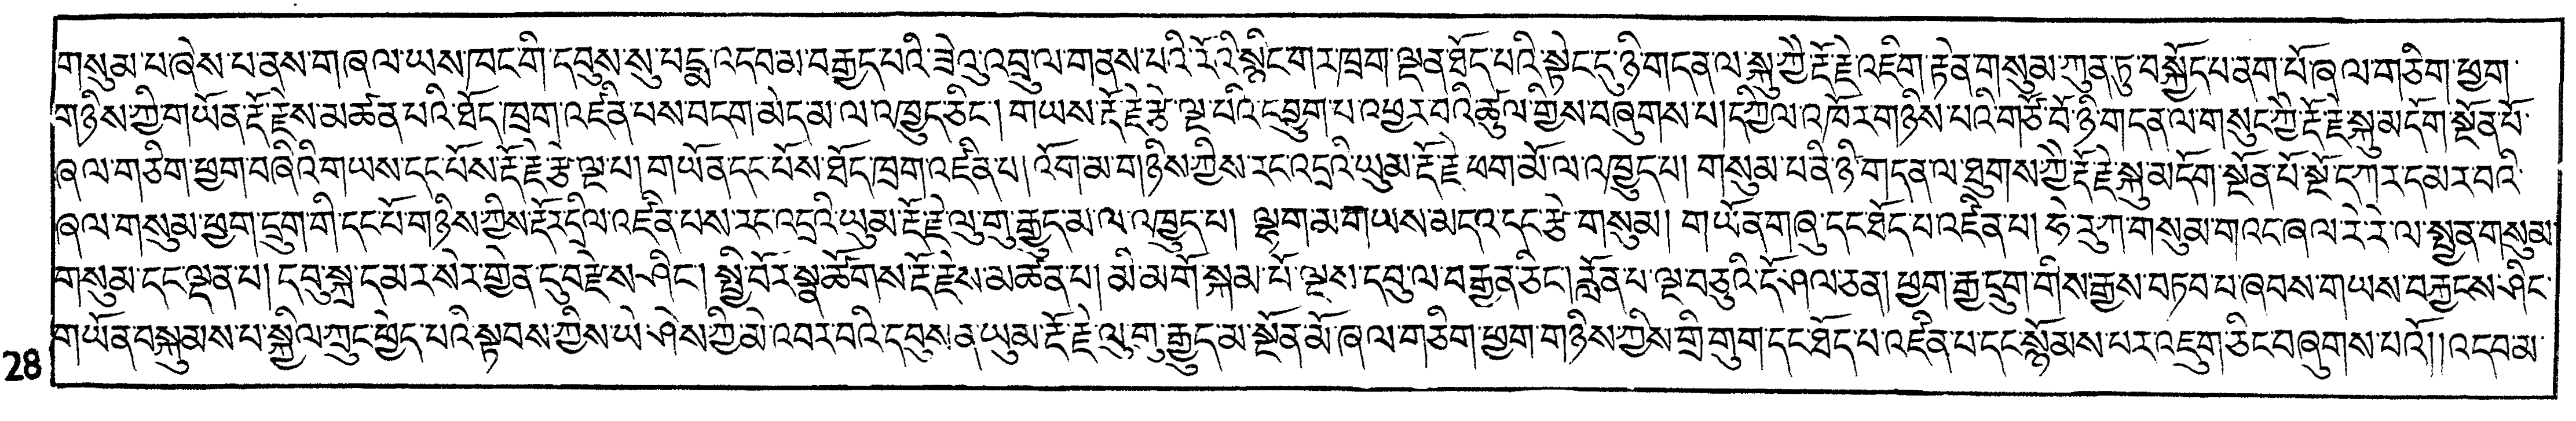གསུམ་པ་ཞེས་པ་ནས་གཞལ་ཡས་ཁང་གི་དབུས་སུ་པདམ་འདབ་མ་བརྒྱད་པའི་ཟེའུ་འབྲུ་ལ་གནས་པའི་རོའི་སྙིང་གར་ཁྲག་ལྡན་ཐོད་པའི་སྟེང་དུ་ཉི་གདན་ལ་སྐུ་ཀྱཻ་རྡོ་རྗེ་འཇིག་རྟེན་གསུམ་ཀུན་ཏུ་བསྐྱོད་པ་ནག་པོ་ཞལ་གཅིག་ཕྱག་
གཉིས་ཀྱི་གཡོན་རྡོ་རྗེས་མཚན་པའི་ཐོད་ཁྲག་འཛིན་པས་བདག་མེད་མ་ལ་འཁྱུད་ཅིང་། གཡས་རྡོ་རྗེ་རྩེ་ལྔ་པའི་དབྱུག་པ་འཕྱར་བའི་ཚུལ་གྱིས་བཞུགས་པ། དཀྱིལ་འཁོར་གཉིས་པའི་གཙོ་བོ་ཉི་གདན་ལ་གསུང་ཀྱཻ་རྡོ་རྗེ་སྐུ་མདོག་སྔོན་པོ་
ཞལ་གཅིག་ཕྱག་བཞིའི་གཡས་དང་པོས་རྡོ་རྗེ་རྩེ་ལྔ་པ། གཡོན་དང་པོས་ཐོད་ཁྲག་འཛིན་པ། འོག་མ་གཉིས་ཀྱིས་རང་འདྲའི་ཡུམ་རྡོ་རྗེ་ཕག་མོ་ལ་འཁྱུད་པ། གསུམ་པ་ནི་ཉི་གདན་ལ་ཐུགས་ཀྱཻ་རྡོ་རྗེ་སྐུ་མདོག་སྔོན་པོ་སྔོ་དཀར་དམར་བའི་
ཞལ་གསུམ་ཕྱག་དྲུག་གི་དང་པོ་གཉིས་ཀྱིས་རྡོར་དྲིལ་འཛིན་པས་རང་འདྲའི་ཡུམ་རྡོ་རྗེ་ལུ་གུ་རྒྱུད་མ་ལ་འཁྱུད་པ། ལྷག་མ་གཡས་མདའ་དང་རྩེ་གསུམ། གཡོན་གཞུ་དང་ཐོད་པ་འཛིན་པ། ཧེ་རུ་ཀ་གསུམ་གའང་ཞལ་རེ་རེ་ལ་སྤྱན་གསུམ་
གསུམ་དང་ལྡན་པ། དབུ་སྐྲ་དམར་སེར་གྱེན་དུ་བརྫེས་ཤིང་། སྤྱི་བོར་སྣ་ཚོགས་རྡོ་རྗེས་མཚན་པ། མི་མགོ་སྐམ་པོ་ལྔས་དབུ་ལ་བརྒྱན་ཅིང་། རློན་པ་ལྔ་བཅུའི་དོ་ཤལ་ཅན། ཕྱག་རྒྱ་དྲུག་གིས་རྒྱས་བཏབ་པ་ཞབས་གཡས་བརྐྱངས་ཤིང་
གཡོན་བསྐུམས་པ་སྐྱིལ་ཀྲུང་ཕྱེད་པའི་སྟབས་ཀྱིས་ཡེ་ཤེས་ཀྱི་མེ་འབར་བའི་དབུས་ན་ཡུམ་རྡོ་རྗེ་ལུ་གུ་རྒྱུད་མ་སྔོན་མོ་ཞལ་གཅིག་ཕྱག་གཉིས་ཀྱིས་གྲི་གུག་དང་ཐོད་པ་འཛིན་པ་དང་སྙོམས་པར་འཇུག་ཅིང་བཞུགས་པའོ། །འདབ་མ་